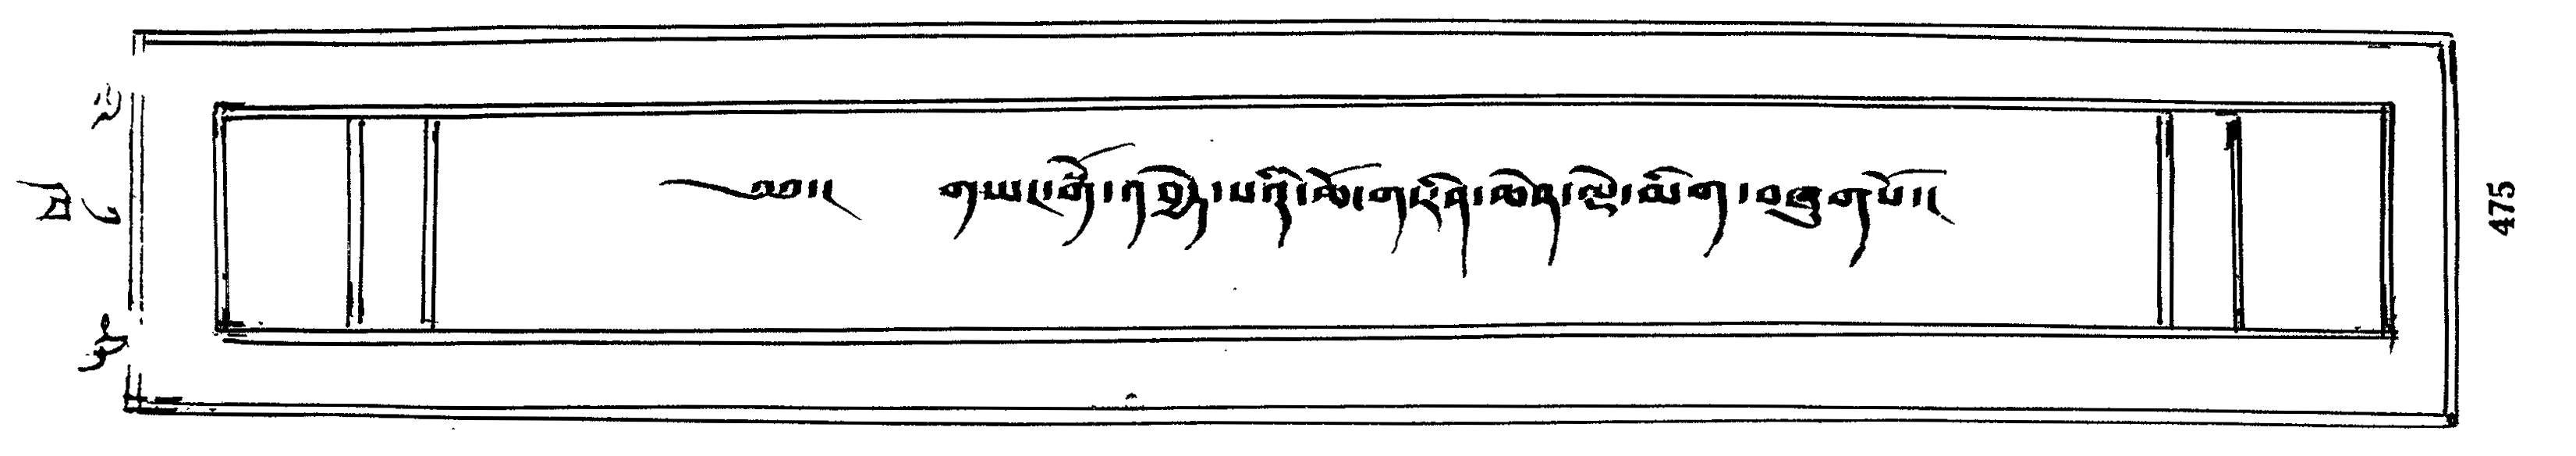༄༅། །གཡང་སྒོ་འབྱེད་པའི་ཆོ་ག་རིན་ཆེན་ལྡེ་མིག་བཞུགས་སོ། །